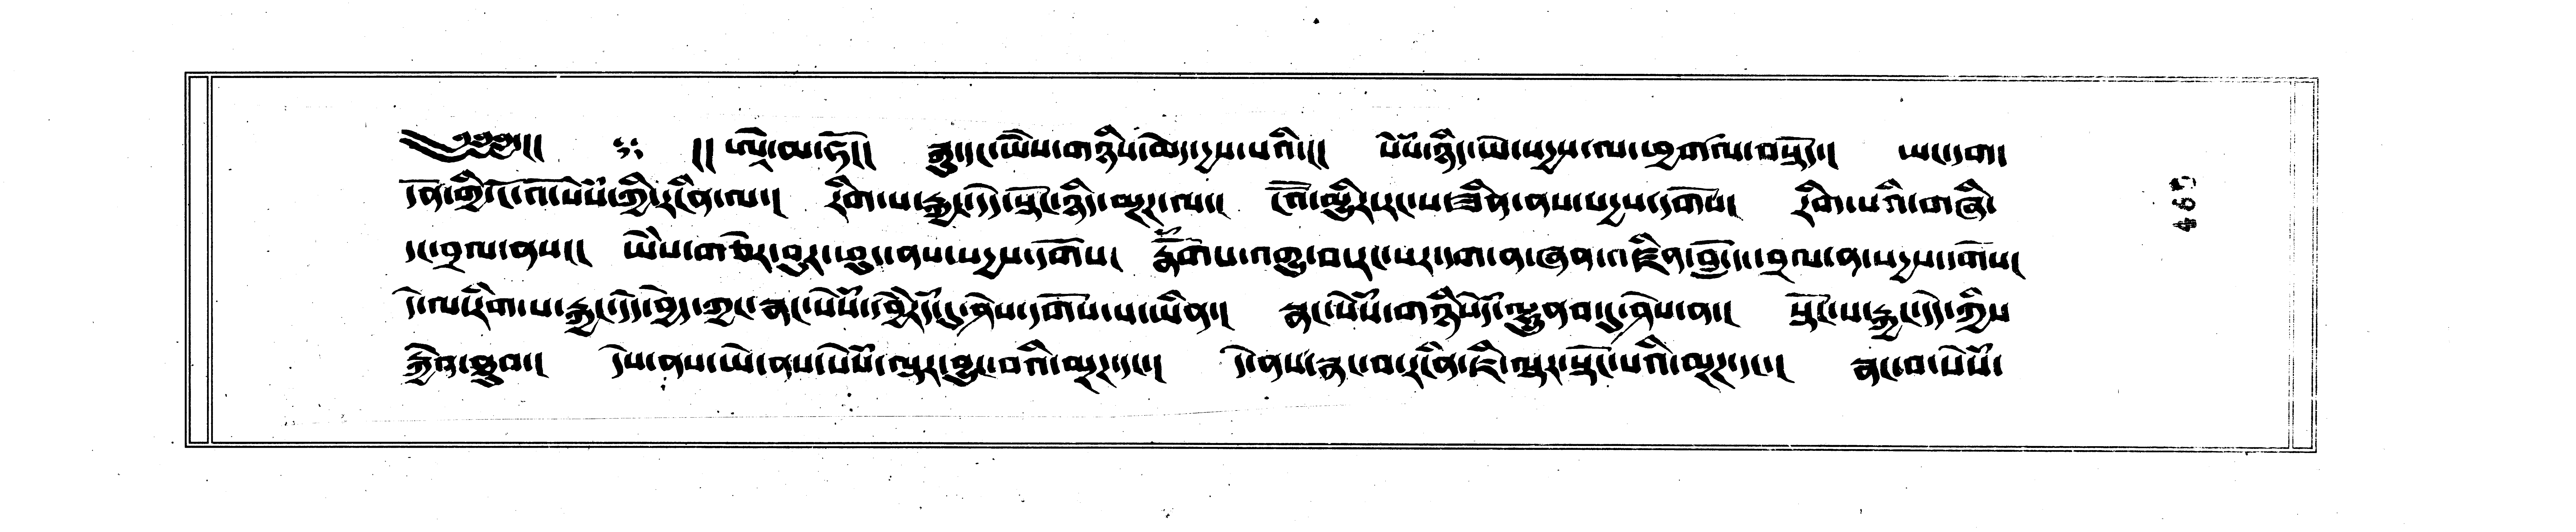༄༅༅།། །།ཨེ་མ་ཧོ། སྐུ་དང་ཡེ་ཤེས་གཉིས་མེད་རྒྱས་པའི། སེམས་ཉིད་ཡེ་སངས་རྒྱས་ལ་ཕྱག་འཚལ་བསྟོད། ཡང་དག་
དོན་གྱི་ངོའོ་སེམས་ཀྱིས་རང་བཞིན་ལ། རིག་པ་རྐྱང་དེད་སྟོང་ཉིད་མེ་ངག་ལ། ངོའོ་མི་འགྱུར་རང་ས་ཟིན་ནས་སངས་རྒྱས་དགོས། རིག་པའི་ཡེ་ཤེས་གཞི་
དང་བྲལ་ནས། ཡེ་ཤེས་གཅེར་བུར་བུད་ནས་སངས་རྒྱས་དགོས། རྣམ་རྟོག་འགྱུ་བྱེད་རང་སར་དག་ནས་ཞེ་འཛིན་བློ་དང་བྲལ་ནས་སངས་རྒྱས་དགོས། 
དེ་ལ་རིག་༼པ༽རྐྱང་དེད་བྱས་ཀྱང་། སྣང་སེམས་དབྱེར་མེད་དུ་ཤེས་དགོས་པ་ཡིན། སྣང་སེམས་གཉིས་མེད་ལྷུན་གྲུབ་དུ་མ་ཤེས་ན། སྟོང་པ་རྐྱང་དེད་ཀྱིས་
རྐྱེན་མི་ཐུབ། དེ་ན་ཡེ་ནས་སྣང་སེམས་ལ་ཅི་ལྟར་བྱུང་བའི་མེ་ངག་༼མན་ངག༽དང་། དེ་ནས་སྣང་བའི་རང་བཞིན་མེ་ངག་དང་། ༼དེས་ནས་ཡེ་ནས་སེམས་ལྟར་བྱུང་བའི་མན་ངག་དང་། དེ་ནས་སྣང་བ་རང་བཞིན་ཇི་ལྟར་སྟོང་པའི་མན་ངག་དང་། སྣང་བ་སེམས་